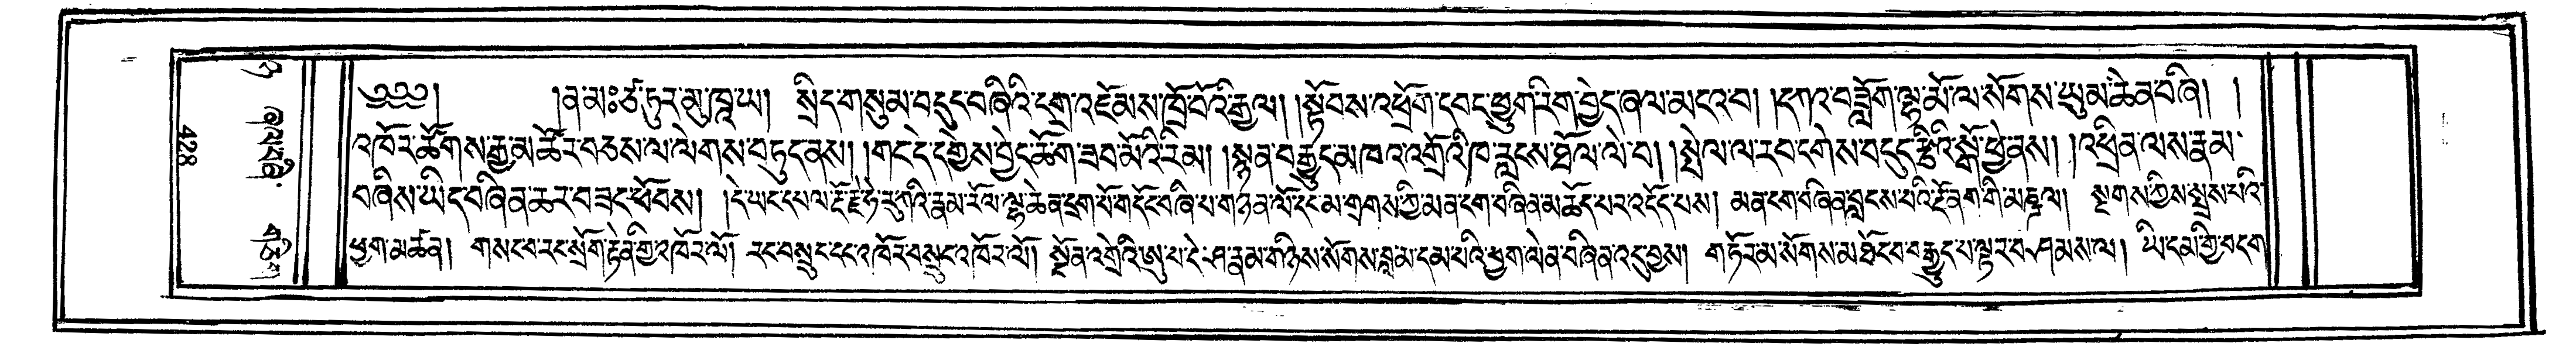༄༅༅། །ན་མཿཙ་ཏུར་མུ་ཁཱ་ཡ། སྲིད་གསུམ་བདུད་བཞིའི་དགྲ་བྗོམས་ཁྲོ་བོའི་རྒྱལ། །སྟོབས་འཕྲོག་དབང་ཕྱུག་རིག་བྱེད་ཞལ་མངའ་བ། །དཀའ་བཟློག་ལྷ་མོ་ལ་སོགས་ཡུམ་ཆེན་བཞི། །
འཁོར་ཚོགས་རྒྱ་མཚོར་བཅས་ལ་ལེགས་བཏུད་ནས། །གང་དེ་དགྱེས་བྱེད་ཆོ་ག་ཟབ་མའི་རི་མ། །སྙན་བརྒྱུད་མཁའ་འགྲོའི་ཁ་རླངས་ཐོལ་ལེ་བ། །སྤེལ་ལ་རབ་དགེས་བདུད་རྩིའི་སྒོ་ཕྱེ་ནས། །འཕྲིན་ལས་རྣམ་
བཞིས་ཡིད་བཞིན་ཆར་བཟང་ཕོབས། །དེ་ཡང་དཔལ་རྡོ་རྗེ་ཧེ་རུ་ཀའི་རྣམ་རོལ་ཧ་ཆེན་དྲག་པོ་གདོང་བཞི་པ་གཉན་ལོ་དང་མ་གྲགས་གྱི་མན་ངག་བཞིན་མཆོད་པར་འདོད་པས། མན་ངག་བཞིན་བླངས་པའི་རྡོ་ནག་གི་མཎྜལ། སྔགས་ཀྱིས་སྤྲས་པའི་
ཕྱག་མཚན། གསང་བ་རང་སྲོག་རྟེན་གྱི་འཁོར་ལོ། རང་བསྲུང་དང་འཁོར་བསྲུང་འཁོར་ལོ། སྔོན་འགྲོའི་ཨུ་པ་དེ་ཤ་རྣམ་གཉིས་སོགས་བླ་མ་དམ་པའི་ཕྱག་ལེན་བཞིན་འདུ་བྱས། གཏོར་མ་སོགས་མཐོང་བ་བརྒྱུད་པ་ལྟར་བཤམས་ལ། ཡི་དམ་གྱི་བདག་